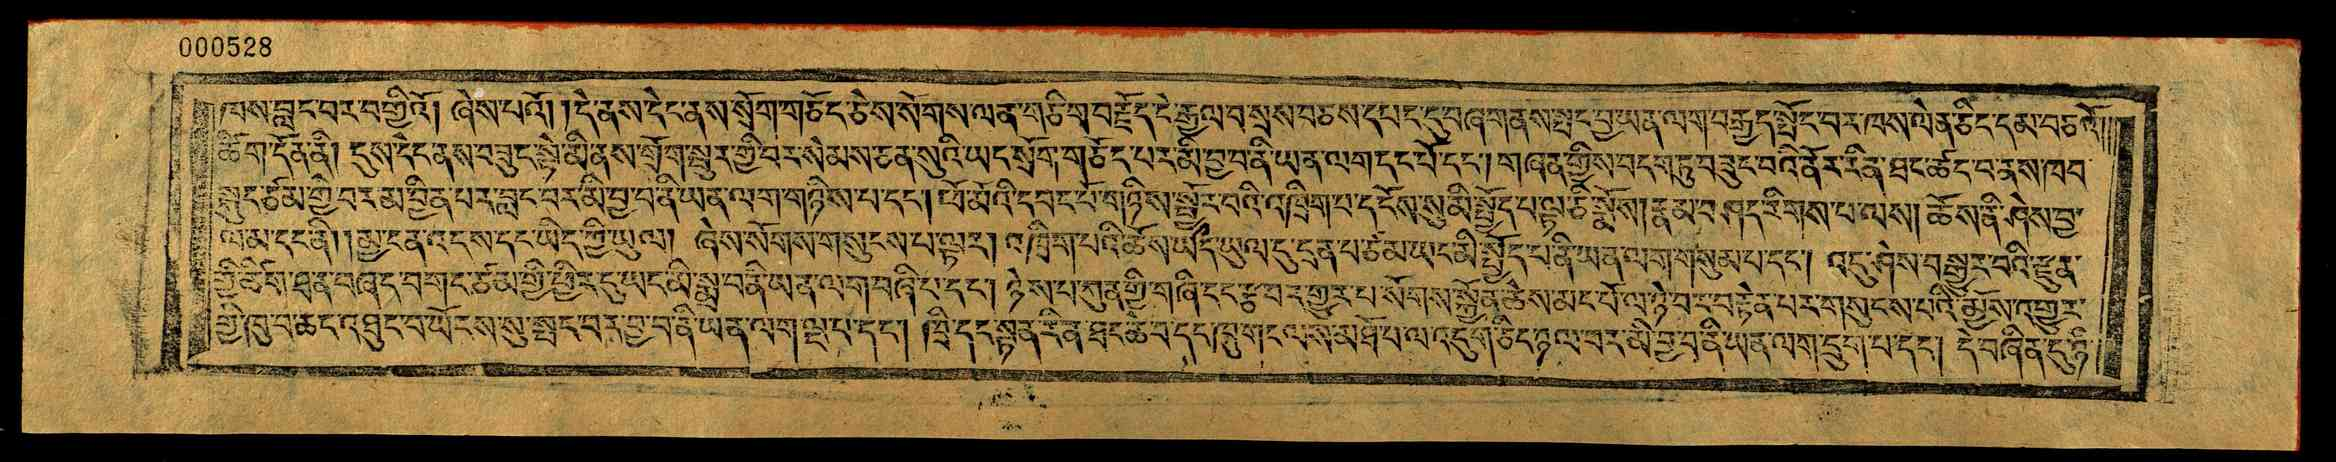ཁས་བླང་བར་བགྱིའོ། ཞེས་པའོ། །དེ་ནས་དེང་ནས་སྲོག་གཅོད་ཅེས་སོགས་ལན་གཅིག་བརྗོད་དེ་རྒྱལ་བ་སྲས་བཅས་དཔང་དུ་བཞག་ནས་སྤང་བྱ་ཡན་ལག་བརྒྱད་སྤོང་བར་ཁས་ལེན་ཅིང་དམ་བཅའོ།།
ཚིག་དོན་ནི། དུས་དེང་ནས་བཟུང་སྟེ་མི་ནས་གྲོག་སྤུར་གྱི་བར་སེམས་ཅན་སུའི་ཡང་སྲོག་གཅོད་པར་མི་བྱ་བ་ནི་ཡན་ལག་དང་པོ་དང་། གཞན་གྱིས་བདག་ཏུ་བཟུང་བའི་ནོར་རིན་ཐང་ཚང་བ་ནས་ཁབ་
སྐུད་ཙམ་གྱི་བར་མ་བྱིན་པར་བླང་བར་མི་བྱ་བ་ནི་ཡན་ལག་གཉིས་པ་དང་། ཕོ་མོའི་དབང་པོ་གཉིས་སྦྱོར་བའི་འཁྲིག་པ་དངོས་སུ་མི་སྤྱོད་པ་ལྟ་ཅི་སྨོས། རྣམ་བཤད་རིགས་པ་ལས། ཆོས་ནི་ཤེས་བྱ་
ལམ་དང་ནི། །མྱ་ངན་འདས་དང་ཡིད་ཀྱི་ཡུལ། ཞེས་སོགས་གསུངས་པ་ལྟར། འཁྲིག་པའི་ཆོས་ཡང་ཡུལ་དུ་དྲན་པ་ཙམ་ཡང་མི་སྤྱོད་པ་ནི་ཡན་ལག་གསུམ་པ་དང་། འདུ་ཤེས་བསྒྱུར་བའི་རྫུན་
གྱི་ཚིག་ཐ་ན་བཞད་བགད་ཙམ་གྱི་ཕྱིར་དུ་ཡང་མི་སྨྲ་བ་ནི་ཡན་ལག་བཞི་པ་དང་། ཉེས་པ་ཀུན་གྱི་གཞི་དང་རྩ་བར་གྱུར་པ་སོགས་སྐྱོན་ཆེས་མང་པོ་ལ་ཉེ་བར་བརྟེན་པར་གསུངས་པའི་མྱོས་འགྱུར་
གྱི་ཁུ་བ་ཆང་འཐུང་བ་ཡོངས་སུ་སྤང་བར་བྱ་བ་ནི་ཡན་ལག་ལྔ་པ་དང་། ཁྲི་དང་སྟན་རིན་ཐང་ཆེ་བ་དང་ཁྲུ་གང་ལས་མཐོ་བ་ལ་འདུག་ཅིང་ཉལ་བར་མི་བྱ་བ་ནི་ཡན་ལག་དྲུག་པ་དང་། དེ་བཞིན་དུ་ཉི་